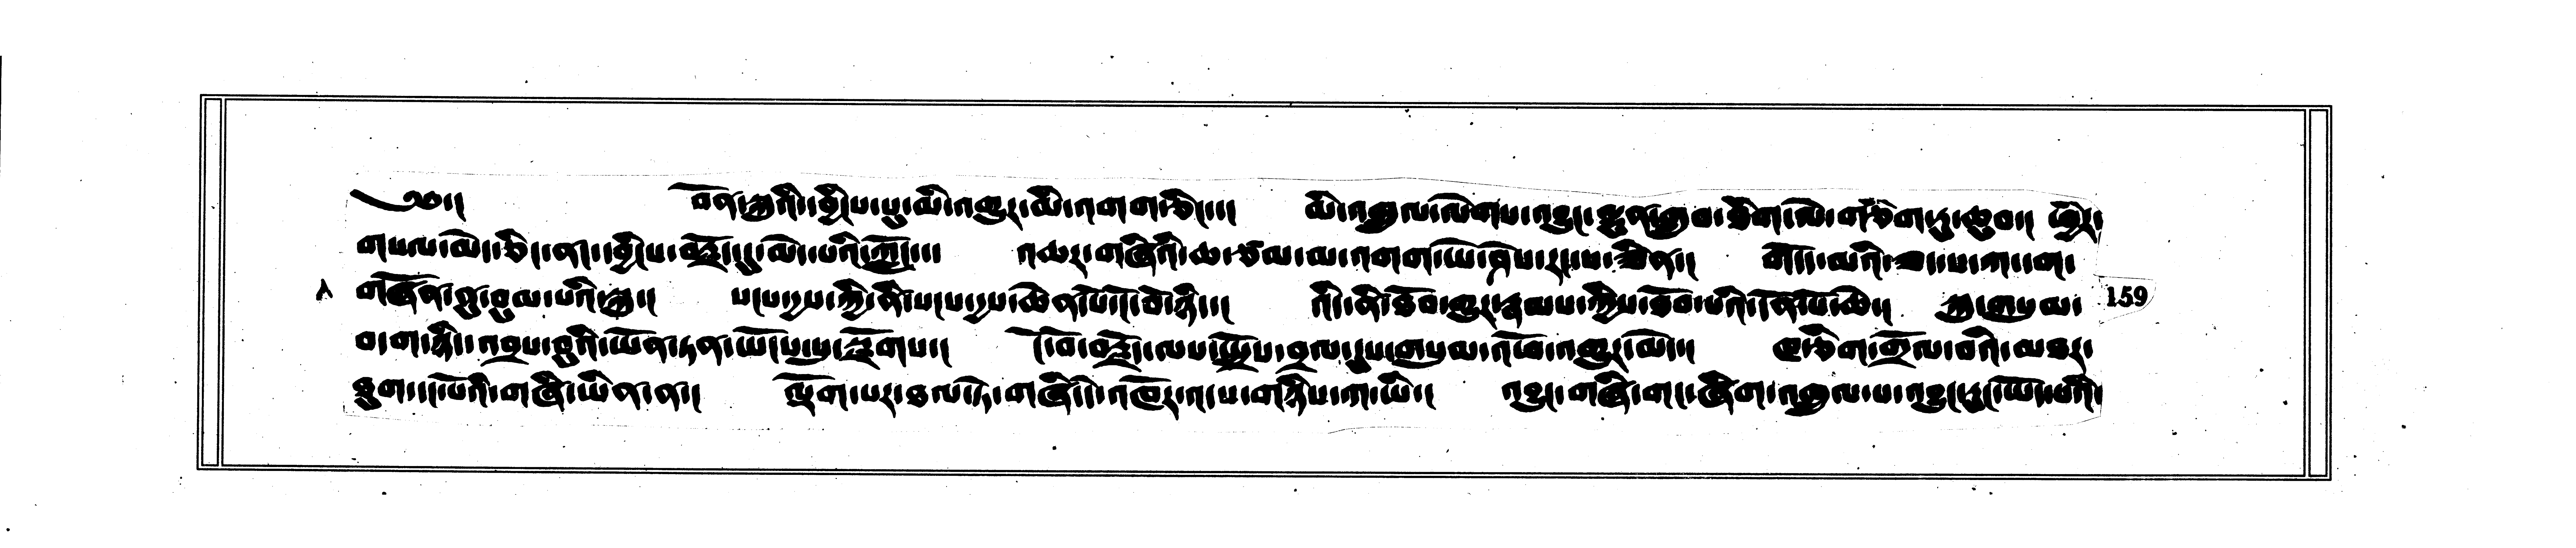བོན་སྐུའི་དབྱིངས་སུ་མི་འགྱུར་མི་འགག་ཅིང་། །མི་འཁྲུལ་ལེགས་འབྱུང་ལྷུན་གྲུབ་ཐིག་ལེ་གཅིག་ཏུ་ཆུབ། །ཕྱིར་
གསལ་མེད་ཅིང་ནང་དབྱིངས་བརྗོད་དུ་མེད་པའི་ཀློང་། །འཆར་གཞིའི་ཆ་ཙམ་མ་འགག་ཡེ་ཤེས་རང་ས་ཟིན། །གདོད་མའི་ཟད་པ་ཀ་དག་
གཞོན་ནུ་བུམ་པའི་སྐུ། །སངས་རྒྱས་ཀྱི་ནི་སངས་རྒྱས་ཆེན་པོ་ངོ་བོ་ཉིད། །འདི་ནི་ཐོབ་གྱུར་རྣམས་ཀྱི་ཐོབ་པའི་དོན་ཆེན་པོ། །སྐུ་གསུམ་
བདག་ཉིད་འབྲས་བུའི་ཡོན་ཏན་ཡོངས་སུ་རྫོགས། །ངོ་བོ་བརྗོད་ལས་སྤྲོས་བྲལ་དུས་གསུམ་འཕོ་འགྱུར་མེད། །ཁ་ཅིག་གྲོལ་བའི་མཐར་
ཐུག་དང་པོའི་གཞི་ཡིན་ན། །ལྡོག་པར་ཐལ་ཏེ་གཞི་དེ་འཁོར་འདས་གཉིས་ཀ་ཡི། །འབྱུང་གཞི་གང་ཞིག་འཁྲུལ་པ་འབྱུང་རུང་ཡོད་